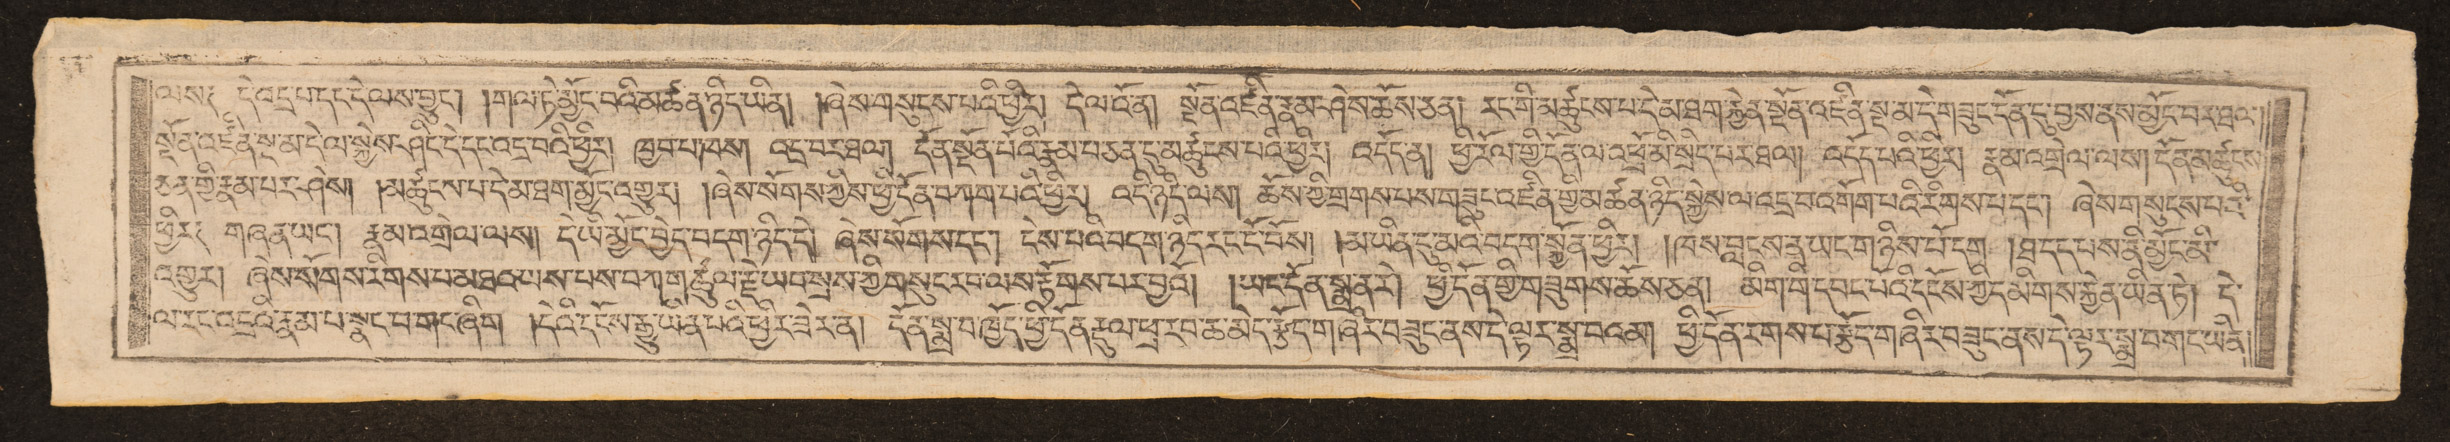ལས༑ དེ་འདྲ་པ་དང་དེ་ལས་བྱུང་། །གལ་ཏེ་མྱོང་བའི་མཚན་ཉིད་ཡིན། །ཞེས་གསུངས་པའི་ཕྱིར། དེ་ལ་འོ་ན། སྔོན་འཛིན་རྣམ་ཤེས་ཆོས་ཅན། རང་གི་མཚུངས་པ་དེ་མ་ཐག་རྐྱེན་སྔོན་འཛིན་སྔ་མ་དེ་གཟུང་དོན་དུ་བྱས་ནས་མྱོང་བར་ཐལ།
སྔོན་འཛིན་སྔ་མ་དེ་ལ་སྐྱེས་ཤིང་དེ་དང་འདྲ་བའི་ཕྱིར། ཁྱབ་པ་ཁས། འདྲ་བར་ཐལ། དོན་སྔོན་པོའི་རྣམ་པ་ཅན་དུ་མཚུངས་པའི་ཕྱིར། འདོད་ན། ཕྱི་རོལ་གྱི་དོན་ལ་འཕྲོ་མི་སྲིད་པར་ཐལ། འདོད་པའི་ཕྱིར། རྣམ་འགྲེལ་ལས། དོན་མཚུངས་
ཅན་གྱི་རྣམ་པར་ཤེས། །མཚུངས་པ་དེ་མ་ཐག་མྱོང་འགྱུར། །ཞེས་སོགས་ཀྱིས་ཕྱི་དོན་བཀག་པའི་ཕྱིར། འདི་ཉིད་ལས། ཆོས་ཀྱི་གྲགས་པས་གཟུང་འཛིན་གྱི་མཚན་ཉིད་སྐྱེས་ལ་འདྲ་བ་འགོག་པའི་རིགས་པ་དང་། ཞེས་གསུངས་པའི་
ཕྱིར༑ གཞན་ཡང་། རྣམ་འགྲེལ་ལས། དེ་ཡི་མྱོང་བྱེད་བདག་ཉིད་དེ། ཞེས་སོགས་དང་། ངེས་པའི་བདག་ཉིད་རང་ངོ་བོས། །མ་ཡིན་དུ་མའི་བདག་སྐྱོན་ཕྱིར། །ཁས་བླངས་ན་ཡང་གཉིས་པོ་དག །ཐ་དད་པས་ནི་མྱོང་མི་
འགྱུར། ཞེས་སོགས་རིགས་པ་མཐའ་ཡས་པས་བཀག་ཚུལ་རྗེ་ཡབ་སྲས་ཀྱི་གསུང་རབ་ལས་རྟོགས་པར་བྱའོ། །ཡང་དོན་སྨྲ་ན་རེ། ཕྱི་དོན་གྱི་གཟུགས་ཆོས་ཅན། མིག་གི་དབང་པོའི་དངོས་ཀྱི་དམིགས་རྐྱེན་ཡིན་ཏེ། དེ་
ལ་རང་འདྲའི་རྣམ་པ་སྣང་བ་གང་ཞིག །དེའི་དངོས་རྒྱུ་ཡིན་པའི་ཕྱིར་ཟེར་ན། དོན་སྨྲ་བ་ཁྱོད་ཕྱི་དོན་རྡུལ་ཕྲ་རབ་ཆ་མེད་རྩོད་གཞིར་བཟུང་ནས་དེ་ལྟར་སྨྲ་བའམ། ཕྱི་དོན་རགས་པ་རྩོད་གཞིར་བཟུང་ནས་དེ་ལྟར་སྨྲ་བ་གང་ཡིན།